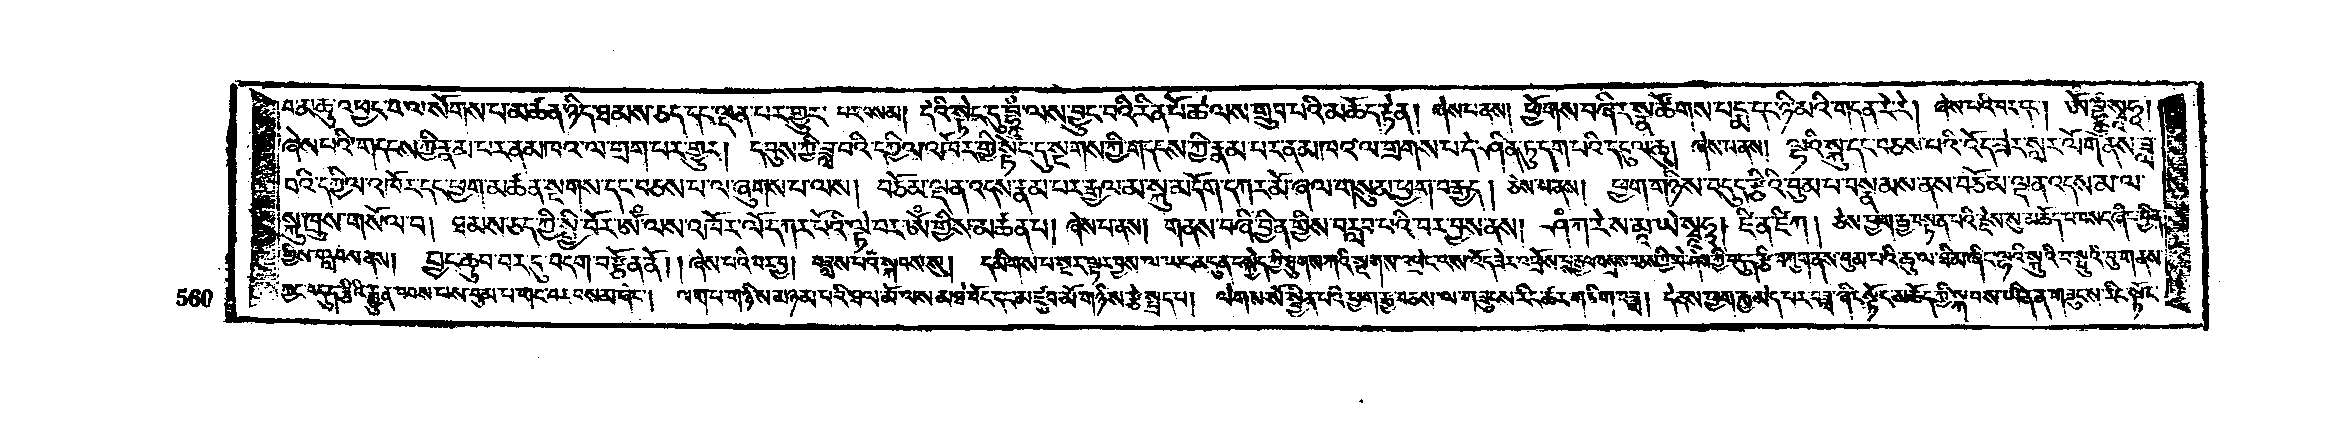བ་མཆུ་འཕྱང་པ་ལ་སོགས་པ་མཚན་ཉིད་ཐམས་ཅད་དང་ལྡན་པར་གྱུར་པར་བསམ། དེའི་སྟེང་དུ་བྷྲཱུཾ་ལས་བྱུང་བའི་རིན་པོ་ཆེ་ལས་གྲུབ་པའི་མཆོད་རྟེན། ཞེས་པ་ནས། ཕྱོགས་བཞིར་སྣ་ཚོགས་པདམ་དང་ཉི་མའི་གདན་རེ་རེ། ཞེས་པའི་བར་དང། ཨོཾ་བྷྲཱུཾ་སྭཱཧཱ།
ཞེས་པའི་གདངས་ཀྱི་རྣམ་པར་ནམ་མཁའ་ལ་གྲག་པར་གྱུར། དབུས་ཀྱི་ཟླ་བའི་དཀྱིལ་འཁོར་གྱི་སྟེང་དུ་སྔགས་ཀྱི་གདངས་ཀྱི་རྣམ་པར་ནམ་མཁའ་ལ་གྲགས་པ་དེ་ཤིན་ཏུ་དག་པའི་དངུལ་ཆུ། ཞེས་པ་ནས། ལྷའི་སྐུ་དང་བཅས་པའི་འོད་ཟེར་སླར་ལོག་ནས་ཟླ་
བའི་དཀྱིལ་འཁོར་དང་ཕྱག་མཚན་སྔགས་དང་བཅས་པ་ལ་ཞུགས་པ་ལས། བཅོམ་ལྡན་འདས་རྣམ་པར་རྒྱལ་མ་སྐུ་མདོག་དཀར་མོ་ཞལ་གསུམ་ཕྱག་བརྒྱད། ཅེས་པ་ནས། ཕྱག་གཉིས་བདུད་རྩིའི་བུམ་པ་བསྣམས་ནས་བཅོམ་ལྡན་འདས་མ་ལ་
སྐུ་ཁྲུས་གསོལ་བ། ཐམས་ཅད་ཀྱི་སྤྱི་བོར་ཨོཾ་ལས་འཁོར་ལོ་དཀར་པོའི་ལྟེ་བར་ཨོཾ་གྱིས་མཚན་པ། ཞེས་པ་ནས། གནས་བཞི་བྱིན་གྱིས་བརླབ་པའི་བར་བྱས་ནས། ཤཾ་ཀ་རེ་ས་མཱ་ཡེ་སྭཱཧཱ། ཛི་ན་ཛིཀ། ཅེས་ཕྱག་རྒྱ་བསྟན་པའི་རྗེས་སུ་མཆོད་པ་བསང་ཞིང་བྱིན་
གྱིས་བརླབས་ནས། བྱང་ཆུབ་བར་དུ་བདག་བརྩོན་ནོ། །ཞེས་པའི་བར་བྱ། བཟླས་པའི་སྐབས་སུ། དམིགས་པ་སྔར་ལྟར་བྱས་ལ་ཡང་མདུན་བསྐྱེད་ཀྱི་ཐུགས་ཀའི་སྔགས་འཕྲང་ལས་འོད་ཟེར་འཕྲོས་པས་རྒྱལ་བ་སྲས་བཅས་ཀྱི་ཡེ་ཤེས་ཀྱི་བདུད་རྩི་བཀུག་ནས་བུམ་པའི་ཆུ་ལ་ཐིམ་ཞིང་ལྷའི་སྐུའི་བ་སྤུའི་བུ་ག་ནས་
ཀྱང་བདུད་རྩིའི་རྒྱུན་བབས་པས་བུམ་པ་གང་བར་བསམ་ཞིང་། ལག་པ་གཉིས་མཉམ་པའི་ཐལ་མོ་ལས་མཐེ་བོང་དང་མཛུབ་མོ་གཉིས་རྩེ་སྤྲད་པ། ལེགས་སོ་སྦྱིན་པའི་ཕྱག་རྒྱ་བཅས་ལ་གཟུངས་རིང་ཚར་གཅིག་བཟླ། དེ་ནས་ཕྱག་རྒྱ་མེད་པར་བཟླ་ཞིང་སྟོང་མཆོད་ཀྱི་སྐབས་ཡིན་ན་གཟུངས་རིང་སྟོང་